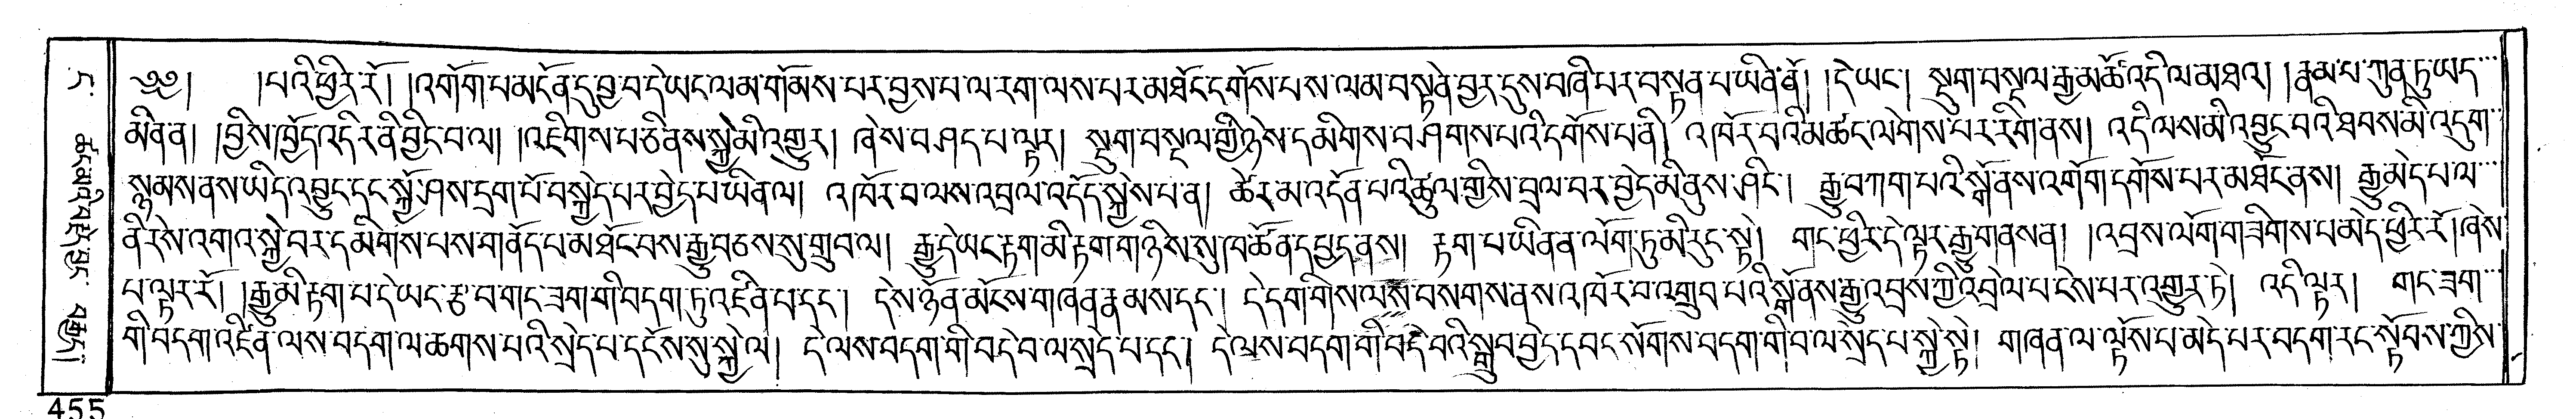༄༅། །པའི་ཕྱིར་རོ། །འགོག་པ་མངོན་དུ་བྱ་བ་དེ་ཡང་ལམ་གོམས་པར་བྱས་པ་ལ་རག་ལས་པར་མཐོང་དགོས་པས་ལམ་བསྟེན་བྱར་དུས་བཞི་པར་བསྟན་པ་ཡིན་ནོ། །དེ་ཡང་། སྡུག་བསྔལ་རྒྱ་མཚོ་འདི་ལ་མཐའ། །རྣམ་པ་ཀུན་ཏུ་ཡོད་
མིན་ན། །བྱིས་ཁྱོད་འདིར་ནི་བྱིང་བ་ལ། །འཇིགས་པ་ཅི་ནས་སྐྱེ་མི་འགྱུར། ཞེས་བཤད་པ་ལྟར། སྡུག་བསྔལ་གྱི་ཉེས་དམིགས་བཤགས་པའི་དགོས་པ་ནི། འཁོར་བའི་མཚང་ལེགས་པར་རིག་ནས། འདི་ལས་མི་འབྱུང་བའི་ཐབས་མི་འདུག་
སྙམས་ནས་ཡིད་འབྱུང་དང་སྐྱོ་ཤས་དྲག་པོ་བསྐྱེད་པར་བྱེད་པ་ཡིན་ལ། འཁོར་བ་ལས་འབྲལ་འདོད་སྐྱེས་པ་ན། ཚེར་མ་འདོན་པའི་ཚུལ་གྱིས་བྲལ་བར་བྱེད་མི་ནུས་ཤིང་། རྒྱུ་བཀག་པའི་སྒོ་ནས་འགོག་དགོས་པར་མཐོང་ནས། རྒྱུ་མེད་པ་ལ་
ནི་རེས་འགའ་སྐྱེ་བར་དམིགས་པས་གནོད་པ་མཐོང་བས་རྒྱུ་བཅས་སུ་གྲུབ་ལ། རྒྱུ་དེ་ཡང་རྟག་མི་རྟག་གཉིས་སུ་ཁ་ཚོན་དབྱད་ནས། རྟག་པ་ཡིན་ན་ལོག་ཏུ་མི་རུང་སྟེ། གང་ཕྱིར་དེ་ལྟར་རྒྱུ་གནས་ན། །འབྲས་ལོག་གཟིགས་པ་མེད་ཕྱིར་རོ། ཞེས་
པ་ལྟར་རོ། །རྒྱུ་མི་རྟག་པ་དེ་ཡང་རྩ་བ་གང་ཟག་གི་བདག་ཏུ་འཛིན་པ་དང་། དེས་ཉོན་མོངས་གཞན་རྣམས་དང་། དེ་དག་གིས་ལས་བསགས་ནས་འཁོར་བ་འགྲུབ་པའི་སྒོ་ནས་རྒྱུ་འབྲས་ཀྱི་འབྲེལ་བ་ངེས་པར་འགྱུར་ཏེ། འདི་ལྟར། གང་ཟག་
གི་བདག་འཛིན་ལས་བདག་ལ་ཆགས་པའི་སྲེད་པ་དངོས་སུ་སྐྱེ་ལ། དེ་ལས་བདག་གི་བདེ་བ་ལ་སྲེད་པ་དང་། དེ་ལས་བདག་གི་བདེ་བའི་སྒྲུབ་བྱེད་དབང་སོགས་བདག་གི་བ་ལ་སྲེད་པ་སྐྱེ་སྟེ། གཞན་ལ་ལྟོས་པ་མེད་པར་བདག་རང་སྟོབས་ཀྱིས་